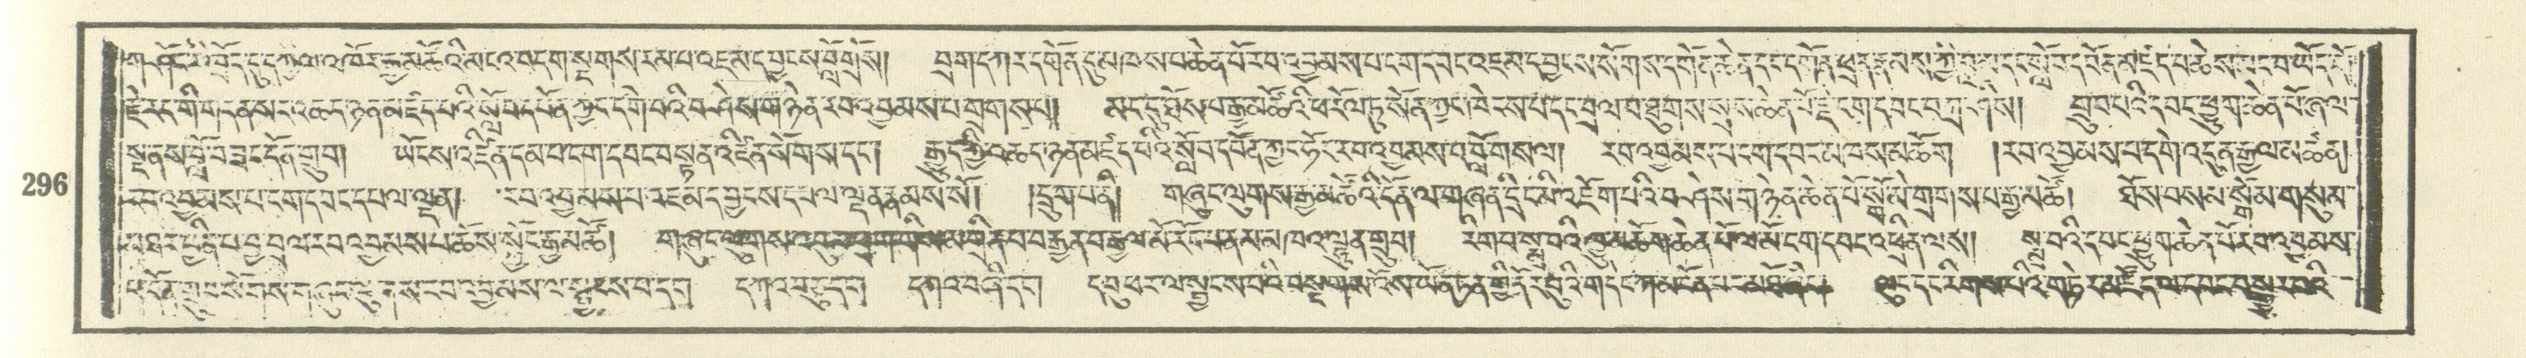གཤོང་རི་ཁྲོད་དུ་དཀྱིལ་འཁོར་རྒྱ་མཚོའི་མངའ་བདག་སྔགས་རམ་པ་འཇམ་དབྱངས་བློ་གྲོས། བྲག་དཀར་དགོན་དུ་མཁས་པ་ཆེན་པོ་རབ་འབྱམས་པ་ངག་དབང་འཇམ་དབྱངས་སོགས་དགོན་ཆེན་དང་དགོན་ཕྲན་རྣམས་ཀྱི་བླ་མ་དང་སློབ་དཔོན་མཛད་པ་ཆེས་མང་བ་ཡོད་དོ།
རྗེ་རང་གི་གདན་སར་འཆད་ཉན་མཛད་པའི་སློབ་དཔོན་ཀྱང་དགེ་བའི་བཤེས་གཉེན་རབ་འབྱམས་པ་གྲགས་པ། མང་དུ་ཐོས་པ་རྒྱ་མཚོའི་ཕ་རོལ་ཏུ་སོན་ཀྱང་ཁེངས་པ་དང་བྲལ་བ་ཐུགས་སྲས་ཆེན་པོ་རྗེ་ངག་དབང་བཀྲ་ཤིས། གྲུབ་པའི་དབང་ཕྱུག་ཆེན་པོ་ཞལ་
སྔ་ནས་བློ་བཟང་དོན་གྲུབ། ཡོངས་འཛིན་དམ་པ་ངག་དབང་བསྟན་འཛིན་སོགས་དང་། རྒྱུད་ཀྱི་འཆད་ཉན་མཛད་པའི་སློབ་དཔོན་ཀྱང་ཧོར་རབ་འབྱམས་པ་བློ་གསལ། རབ་འབྱམས་པ་ངག་དབང་མཁས་མཆོག །རབ་འབྱམས་པ་དགེ་འདུན་རྒྱལ་མཚན།
རབ་འབྱམས་པ་ངག་དབང་དཔལ་ལྡན། རབ་འབྱམས་པ་འཇམ་དབྱངས་དཔལ་ལྡན་རྣམས་སོ། །དྲུག་པ་ནི། གཞུང་ལུགས་རྒྱ་མཚོའི་དོན་ལ་གཞན་དྲིང་མི་འཇོག་པའི་བཤེས་གཉེན་ཆེན་པོ་སྥོ?་མེ་གྲགས་པ་རྒྱ་མཚོ། ཐོས་བསམ་སྒོམ་གསུམ་
མཐར་ཕྱིན་པ་བྱ་བྲལ་རབ་འབྱམས་པ་ཆོས་སྐྱོང་རྒྱ་མཚོ། གཞུང་ལུགས་འབུམ་ཕྲག་གིས་མགྲིན་པ་བརྒྱན་པ་རྒྱལ་མོ་རོང་པ་ནམ་མཁའ་ལྷུན་གྲུབ། རིག་པ་སྨྲ་བའི་ཁྱུ་མཆོག་ཆེན་པོ་ལ་མོ་ངག་དབང་འཕྲིན་ལས། སྨྲ་བའི་དབང་ཕྱུག་ཆེན་པོ་རབ་འབྱམས་
པ་དོན་གྲུབ་སོགས་གཞུང་ལུགས་རབ་འབྱམས་ལ་སྦྱངས་པ་དང་། དཀའ་བཅུ་དང་། དཀའ་བཞི་དང་། དབུ་ཕར་ལ་སྦྱངས་པའི་བསྔགས་འོས་ཡོན་ཏན་གྱི་ནོར་བུའི་གདེང་ཀ་མངོན་པར་མཐོ་ཞིང་། ལུང་དང་རིགས་པའི་གཏེར་མཛོད་ལ་དབང་བསྒྱུར་བའི་